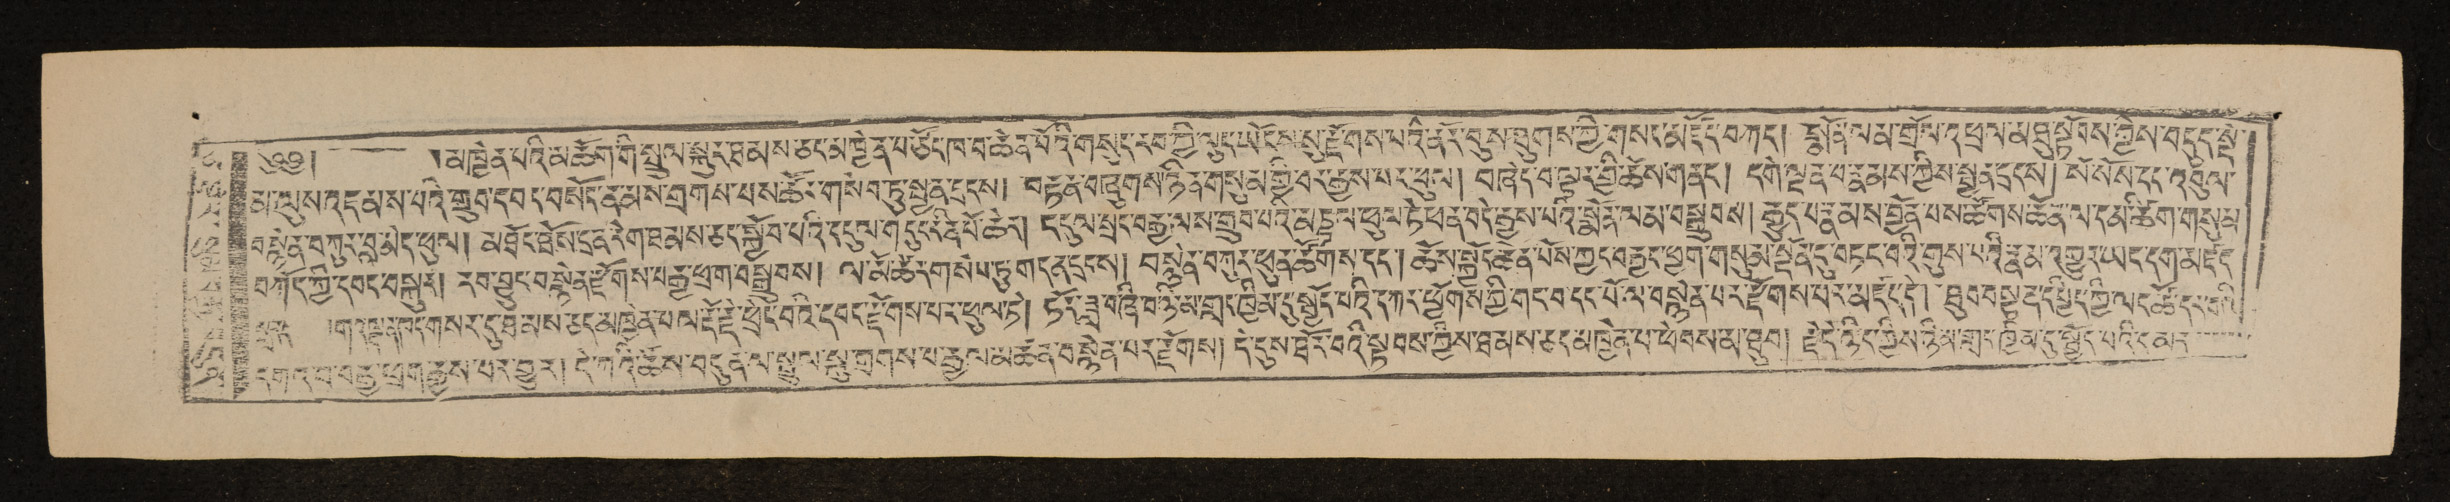༄༅། །མཁྱེན་པའི་མཆོག་གི་སྤྲུལ་སྐུར་ཐམས་ཅད་མཁྱེན་པ་ཙོང་ཁ་པ་ཆེན་པོའི་གསུང་རབ་ཀྱི་ལུང་ཡོངས་སུ་རྫོགས་པའི་ནོར་བུས་ཐུགས་ཀྱི་གསང་མཛོད་བཀང་། སྨོན་ལམ་གྲོལ་འཕྲལ་མཐུ་སྟོབས་ཀྱིས་བདུད་སྡེ་
པ་ལུས་སུ་འཇོམས་པའི་གྲུབ་དབང་བསོད་ནམས་གྲགས་པས་ཚེར་གསེབ་ཏུ་སྤྱན་དྲངས། བརྟན་བཞུགས་ཉིན་གསུམ་གྱི་བར་རྒྱས་པར་ཕུལ། བཞེད་པ་ལྟར་གྱི་ཆོས་གནང་། དགེ་ལྡན་པ་རྣམས་ཀྱིས་སྤྱན་དྲངས། སོ་སོས་དད་འབུལ་
བསྙེན་བཀུར་བླ་མེད་ཕུལ། མཐོང་ཐོས་དྲན་རེག་ཐམས་ཅད་སྐྱོབ་པའི་དངུལ་གདུང་རིན་པོ་ཆེར། དངུལ་སྲང་བརྒྱ་ལས་གྲུབ་པའི་མཎྜལ་ཕུལ་ཏེ་ཕན་བདེ་རྒྱས་པའི་སྨོན་ལམ་བསྒྲུབས། རྒྱུད་པ་རྣམས་བྱོན་པས་ཚོགས་ཆེན་ལ་དམ་ཚིག་གསུམ་
བཀོད་ཀྱི་དབང་བསྐུར། རབ་བྱུང་བསྙེན་རྫོགས་བརྒྱ་ཕྲག་བསྒྲུབས། ལ་མོ་ཚེར་གསེབ་ཏུ་གདན་དྲངས། བསྙེན་བཀུར་ཕུན་ཚོགས་དང་། ཆོས་སྐྱོང་ཆེན་པོས་ཀྱང་བརྐྱང་ཕྱག་གསུམ་སྔོན་དུ་བཏང་བའི་གུས་པའི་རྣམ་འགྱུར་ཡང་དག་མཛོད།
སླར་དགའ་ལྡན་ཁང་གསར་དུ་ཐམས་ཅད་མཁྱེན་པ་ལ་རྡོ་རྗེ་ཕྲེང་བའི་དབང་རྫོགས་པར་ཕུལ་ཏེ། ཧོར་ཟླ་བཞི་པ་ཉི་མ་གླང་ཁྱིམ་དུ་སྤྱོད་པའི་དཀར་ཕྱོགས་ཀྱི་གང་བ་དང་པོ་ལ་བསྙེན་པར་རྫོགས་པར་མཛད་དེ། ཐུབ་བསྟན་དཔྱིད་ཀྱི་ལང་ཚོ་དར་བའི་
དགའ་བ་བརྒྱ་ཕྲག་རྒྱས་པར་གྱུར། དེ་ཀའི་ཚེས་བདུན་ལ་སྤྲུལ་སྐུ་གྲགས་པ་རྒྱལ་མཚན་བསྙེན་པར་རྫོགས། དེ་དུས་ཐོར་བའི་སྟབས་ཀྱིས་ཐམས་ཅད་མཁྱེན་པ་ཕེབས་མ་ཐུབ། རྗེ་དེ་ཉིད་ཀྱིས་ཉི་མ་གླང་ཁྱིམ་དུ་སྤྱོད་པའི་དམར་